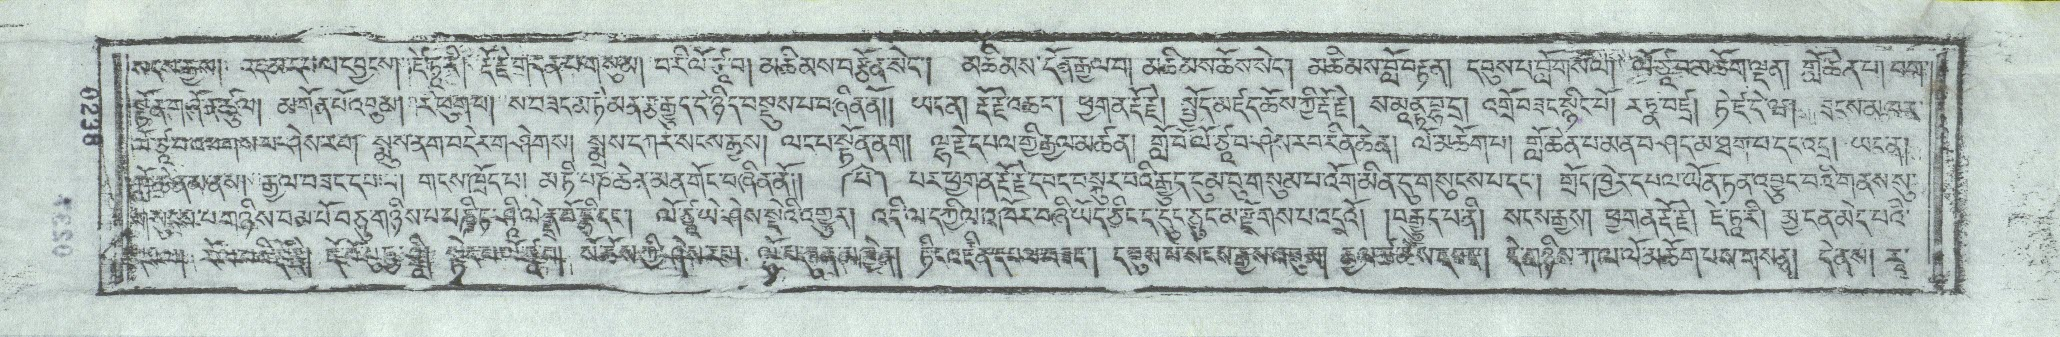སངས་རྒྱས། འཇམ་དཔལ་དབྱངས། ཛེ་ཏཱ་རི། རྡོ་རྗེ་གདན་པ་གསུམ། བ་རི་ལོ་ཙཱ་བ། མཆིམས་བརྩོན་སེང་། མཆིམས་དོན་རྒྱལ་བ། མཆིམས་ཆོས་སེང་། མཆིམས་བློ་བརྟན། དབུས་པ་བློ་གསལ། ལོ་ཙཱ་བ་མཆོག་ལྡན། གློ་ཆེན་པ། བག་
སྟོན་གཞོན་ཚུལ། མགོན་པོ་འབུམ། རེ་ཕུག་པ། ས་བཟང་མ་ཏི་མན་རྩ་རྒྱུད་དེ་ཉིད་བསྡུས་པ་བཞིན་ནོ།། ཡང་ན། རྡོ་རྗེ་འཆང་། ཕྱག་ན་རྡོ་རྗེ། སྤྱོད་མཛད་ཆོས་ཀྱི་རྡོ་རྗེ། ས་མཱནྟ་བྷ་དྲ། འགྲོ་བཟང་སྙིང་པོ། རཏྣ་བཛྲ། ཏེ་ཛ་དེ་ཝ། ཐངས་མ་བར་
ལོ་ཙཱ་བ་འཕགས་པ་ཤེས་རབ། སྨུས་ནག་བདེར་གཤེགས། སྨྲས་དཀར་སངས་རྒྱས། ལང་པ་སྟོན་ནག། ལྷ་རྗེ་དཔལ་གྱི་རྒྱལ་མཚན། གློ་བོ་ལོ་ཙཱ་བ་ཤེས་རབ་རིན་ཆེན། ལོ་མཆོག་པ། གློ་ཆེན་པ་མན་བཤད་མ་ཐག་པ་དང་འདྲ། ཡང་ན།
གློ་ཆེན་པ་ནས། རྒྱལ་བཟང་དཔལ། གངས་ཁྲོད་པ། མ་ཏི་པཎ་ཆེན་མན་གོང་བཞིན་ནོ།། {པ}་པར་ཕྱག་ན་རྡོ་རྗེ་དབང་བསྐུར་བའི་རྒྱུད་དུ་མ་བུ་གསུམ་པ་འགོ་མིན་དུ་གསུངས་པ་དང་། གྲོང་ཁྱེར་དཔལ་ཡོན་ཏན་འབྱུང་བ་རི་གནས་སུ་
གསུངས་པ་གཉིས་བམ་པོ་བཅུ་གཉིས་པ་པཎྜི་ཏ་ཤིའི་ལེནྡྲ་པོ་དྷི་དང་། ལོ་ཙཱ་ཡེ་ཤེས་སྡེའི་འགྱུར། འདི་ལ་དཀྱིལ་འཁོར་བཞི་ཡོད་ཅིང་ད་དུང་ཅུང་མ་རྫོགས་པ་འདྲའོ། །བརྒྱུད་པ་ནི། སངས་རྒྱས། ཕྱག་ན་རྡོ་རྗེ། རྗེ་ཏཱ་རི། མྱ་ངན་མེད་པའི་
དཔལ། རོལ་པའི་རྡོ་རྗེ། ཇོ་བོ་པུ་ཎྱ་ཤྲཱི། སྟེང་པ་ལོ་ཙཱ་བ། སོ་ཆོས་ཀྱི་ཤེས་རབ། ལྷོ་པ་ཀུན་མཁྱེན། ཏིང་འཛིན་དཔལ་བཟང་། དབུས་པ་སངས་རྒྱས་འབུམ། རྒྱལ་ཚ་ཆོས་དབང་། དེ་གཉིས་ཀ་ལ་ལོ་མཆོག་པས་གསན། དེ་ནས་རྭ་